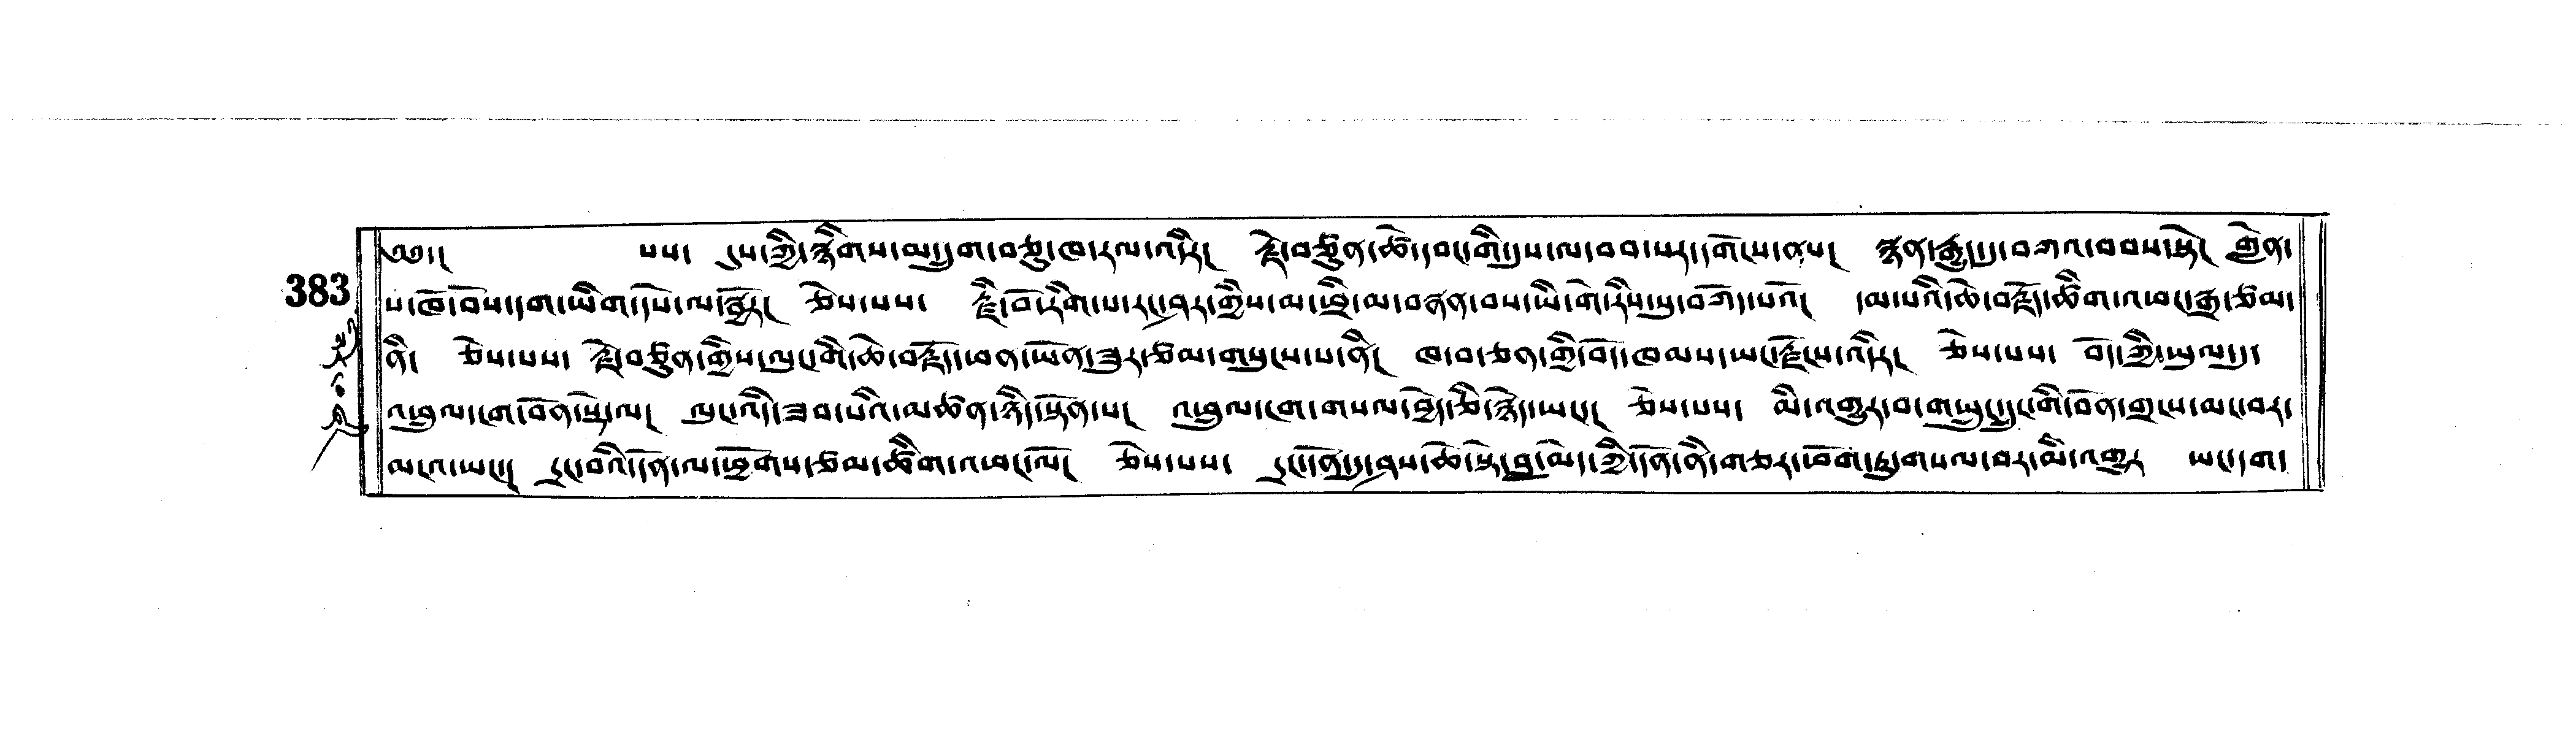པས། དུས་ཀྱི་སྙིགས་མ་དྲུག་ཅུ་ཁ་རལ་འདིར། རྗེ་བཙུན་ཚེ་དབང་གི་དུས་ལ་བབས་པར་དགོངས་ནས། སྙན་རྒྱུད་དུ་བཀའ་བབས་ཏེ། གླེན
་པོ་ཁོ་བོས་དག་ཡིག་དཔེ་ལ་སྦྱོར། རྫི་བོ་རིག་པ་རང་ཤར་གྱིས་མ་ཕྲི་མ་བསྣན་བས་ཡི་གེ་རིས་སུ་བཀོད་པའོ། དམ་པའི་ཆེ་བརྗོད་ཚིག་འཕང་སྒྲ་ཙམ་
ནི། ཅེས་པས། རྗེ་བཙུན་གྱིས་ལུང་གི་ཆེ་བརྗོད་ཕན་ཡོན་ཟུར་ཙམ་གསུངས་པ་ནི། ཁ་བ་ཅན་གྱི་བོད་ཁམས་ཡང་ལྗོངས་འདིར། ཅེས་པས། བོད་ཀྱི་ཡུལ་དུ་
འཕྲུལ་ངག་བོན་སྡེ་ལ། ལུང་འདི་ཟབ་པའི་མཚན་ཉིད་སྟོན་པ། འཕྲུལ་ངག་གསལ་བྱེད་ཅི་སྙེད་ཡང་། ཅེས་པས། མི་འགྱུར་བ་གཡུང་དྲུང་གི་བོན་གྲངས་མང་བར་
མངའ་ཡང་། དྲང་བའི་དོན་ལ་ཕྱོགས་ཙམ་ཞིག་འཕང་ལོ། ཅེས་པས། དྲང་དོན་དུ་ཤས་ཆེ་སྟེ། བླ་མེད་ཀྱི་དོན་ནི་ཅར་ཕོག་ཏུ་གསལ་བར་མི་འགྱུར། ཡང་དག་